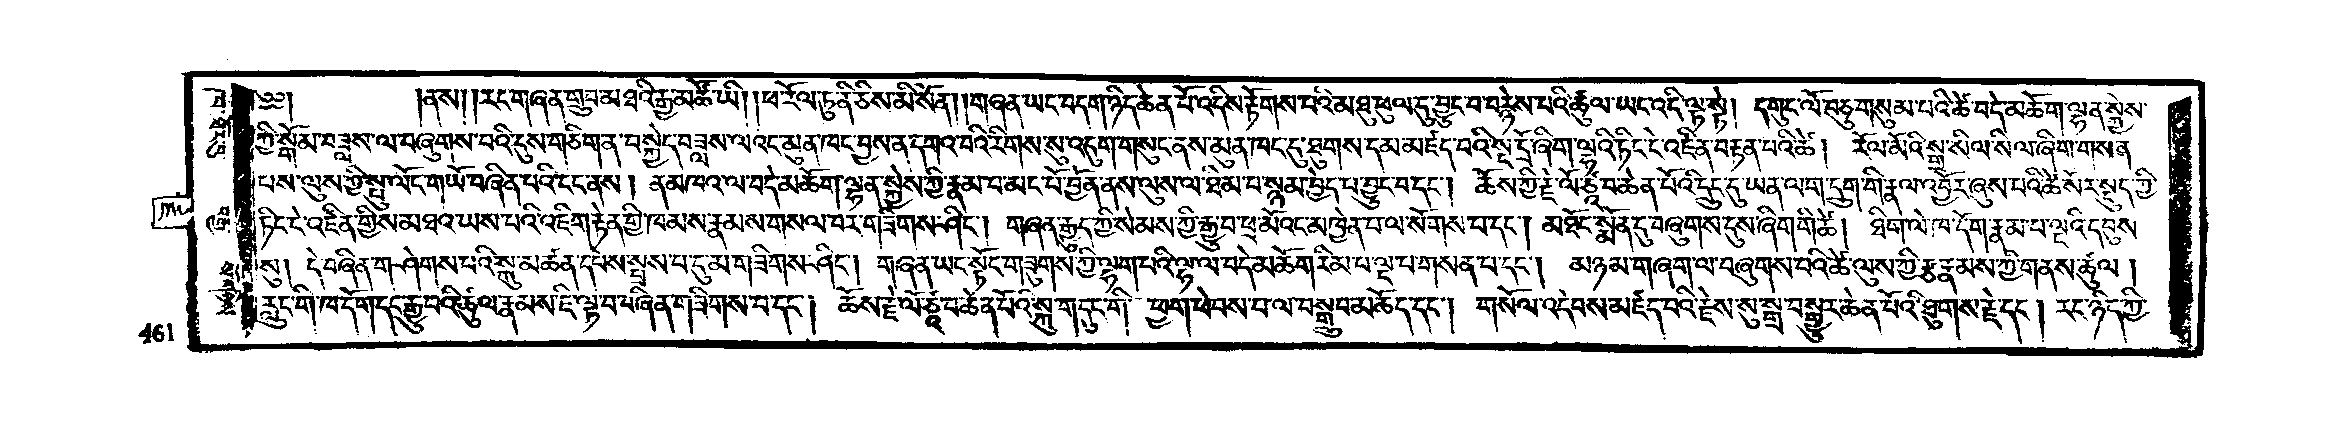༄༅། །ནས། །རང་གཞན་གྲུབ་མཐའི་རྒྱ་མཚོ་ཡི། །ཕ་རོལ་ཏུ་ནི་ཅིས་མི་སོན། །གཞན་ཡང་བདག་ཉིད་ཆེན་པོ་འདིས་རྟོགས་པའི་མཐུ་ཕུལ་དུ་བྱུང་བ་བརྙེས་པའི་ཚུལ་ཡང་འདི་ལྟ་སྟེ། དགུང་ལོ་བཅུ་གསུམ་པའི་ཚེ་བདེ་མཆོག་ལྷན་སྐྱེས་
ཀྱི་སྒོམ་བཟླས་ལ་བཞུགས་པའི་དུས་གཅིག་ན་བསྐྱེད་བཟླས་ལའང་མུན་ཁང་བྱས་ན་དགའ་བའི་རིགས་སུ་འདུག་གསུང་ནས་མུན་ཁང་དུ་ཐུགས་དམ་མཛད་པའི་སྔ་དྲོ་ཞིག་ལྷའི་ཏིང་ངེ་འཛིན་བརྟན་པའི་ཚེ། རོལ་མོའི་སྒྲ་སིལ་སིལ་ཞིག་གསན་
པས་ལུས་ཀྱི་སྤུ་ལོང་གཡོ་བཞིན་པའི་ངང་ནས། ནམ་མཁའ་ལ་བདེ་མཆོག་ལྷན་སྐྱེས་ཀྱི་རྣམ་པ་མང་པོ་བྱོན་ནས་ལུས་ལ་ཐིམ་པ་སྙམ་བྱེད་པ་བྱུང་བ་དང་། ཆོས་ཀྱི་རྗེ་ལོ་ཙཱ་བ་ཆེན་པོའི་དྲུང་དུ་ཡན་ལག་དྲུག་གི་རྣལ་འབྱོར་ཞུས་པའི་ཚེ་སོར་སྡུད་ཀྱི་
ཏིང་ངེ་འཛིན་གྱིས་མཐའ་ཡས་པའི་འཇིག་རྟེན་གྱི་ཁམས་རྣམས་གསལ་བར་གཟིགས་ཤིང་། གཞན་རྒྱུད་ཀྱི་སེམས་ཀྱི་རྒྱུ་བ་ཕྲ་མོའང་མཁྱེན་པ་ལ་སོགས་པ་དང་། མཐོང་སྨོན་དུ་བཞུགས་དུས་ཞིག་གི་ཚེ། ཐིག་ལེ་ཁ་དོག་རྣམ་པ་ལྔའི་དབུས་
སུ། དེ་བཞིན་གཤེགས་པའི་སྐུ་མཚན་དཔེས་སྤྲས་པ་དུ་མ་གཟིགས་ཤིང་། གཞན་ཡང་སྟོང་གཟུགས་ཀྱི་ལྷག་པའི་ལྷ་ལ་བདེ་མཆོག་རིམ་པ་ལྔ་པ་གསན་པ་དང་། མཉམ་གཞག་ལ་བཞུགས་པའི་ཚེ་ལུས་ཀྱི་རྩ་རྣམས་ཀྱི་གནས་ཚུལ།
རླུང་གི་ཁ་དོག་དང་རྒྱུ་བའི་ཚུལ་རྣམས་ཇི་ལྟ་བ་བཞིན་གཟིགས་པ་དང་། ཆོས་རྗེ་ལོ་ཙཱ་བ་ཆེན་པོའི་སྐུ་གདུང་གི་ཕྱག་ཕེབས་པ་ལ་བསྒྲུབ་མཆོད་དང་། གསོལ་འདེབས་མཛད་པའི་རྗེས་སུ་སྒྲ་བསྒྱུར་ཆེན་པོའི་ཐུགས་རྗེ་དང་། རང་ཉིད་ཀྱི་